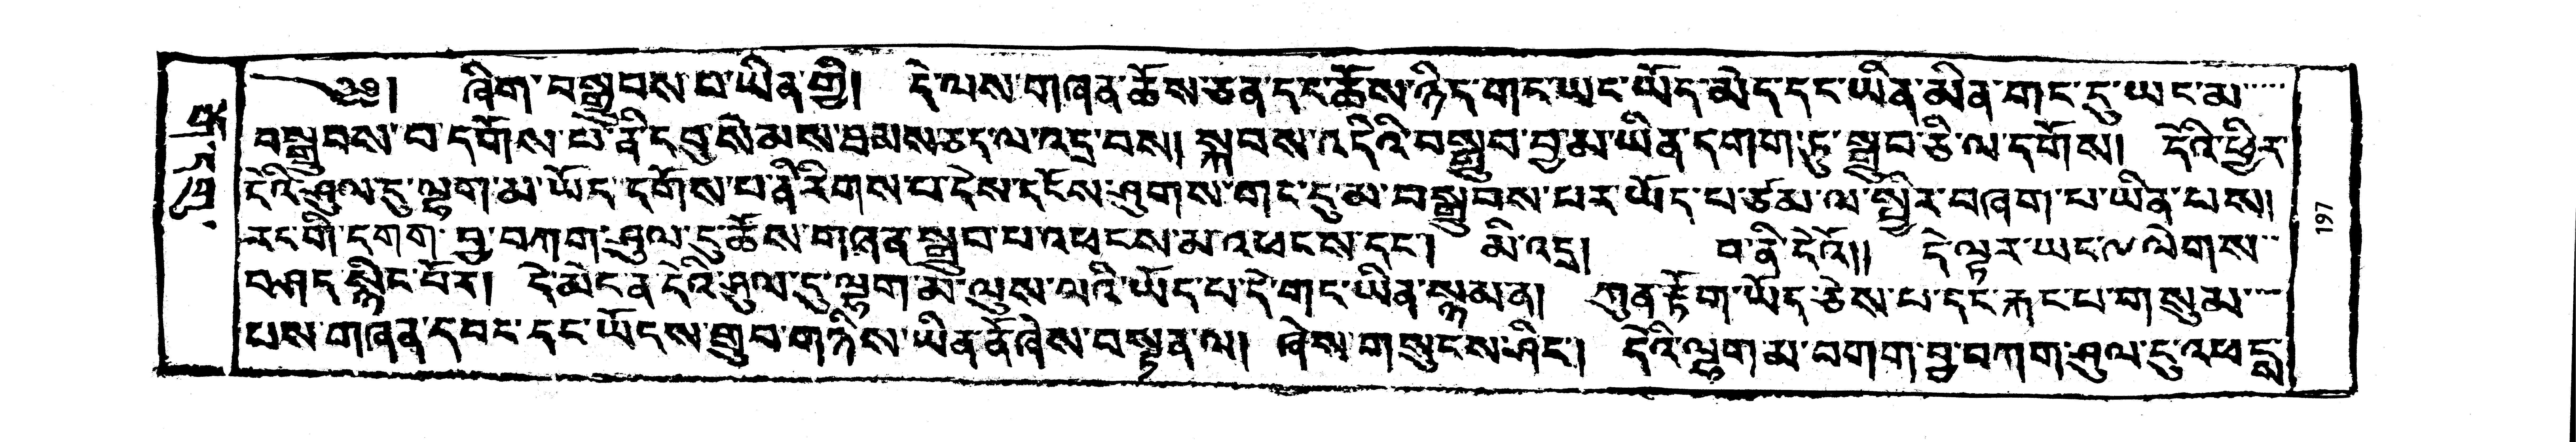༄༅། །ཞིག་བསྒྲུབས་པ་ཡིན་གྱི། དེ་ལས་གཞན་ཆོས་ཅན་དང་ཆོས་ཉིད་གང་ཡང་ཡོད་མེད་དང་ཡིན་མིན་གང་དུ་ཡང་མ་
བསྒྲུབས་བ་དགོས་པ་ནི་དབུ་སེམས་ཐམས་ཅད་ལ་འདྲ་བས། སྐབས་འདིའི་བསྒྲུབ་བྱ་མ་ཡིན་དགག་ཏུ་སྒྲུབ་ཅི་ལ་དགོས། དེའི་ཕྱིར་
དེའི་ཤུལ་དུ་ལྷག་མ་ཡོད་དགོས་པ་ནི་རིགས་པ་དེས་དངོས་ཤུགས་གང་དུ་མ་བསྒྲུབས་པར་ཡོད་པ་ཙམ་ལ་སྤྱིར་བཞག་པ་ཡིན་པས།
རང་གི་དགག་བྱ་བཀག་ཤུལ་དུ་ཆོས་གཞན་སྒྲུབ་པ་འཕངས་མ་འཕངས་དང་། མི་འདྲ། བ་ནི་དེའོ། །དེ་ལྟར་ཡང་ལེགས་
བཤད་སྙིང་པོར། དེ་མེང་ན་དེའི་ཤུལ་དུ་ལྷག་མ་ལུས་ལའི་ཡོད་པ་དེ་གང་ཡིན་སྙམ་ན། ཀུན་རྟོག་ཡོད་ཅེས་པ་དང་རྐང་པ་གསུམ་
པས་གཞན་དབང་དང་ཡོངས་གྲུབ་གཉིས་ཡིན་ནོ་ཞེས་བསྟན་ལ། ཞེས་གསུངས་ཤིང་། དེའི་ལྷག་མ་བགག་བྱ་བཀག་ཤུལ་དུ་འཕངས་